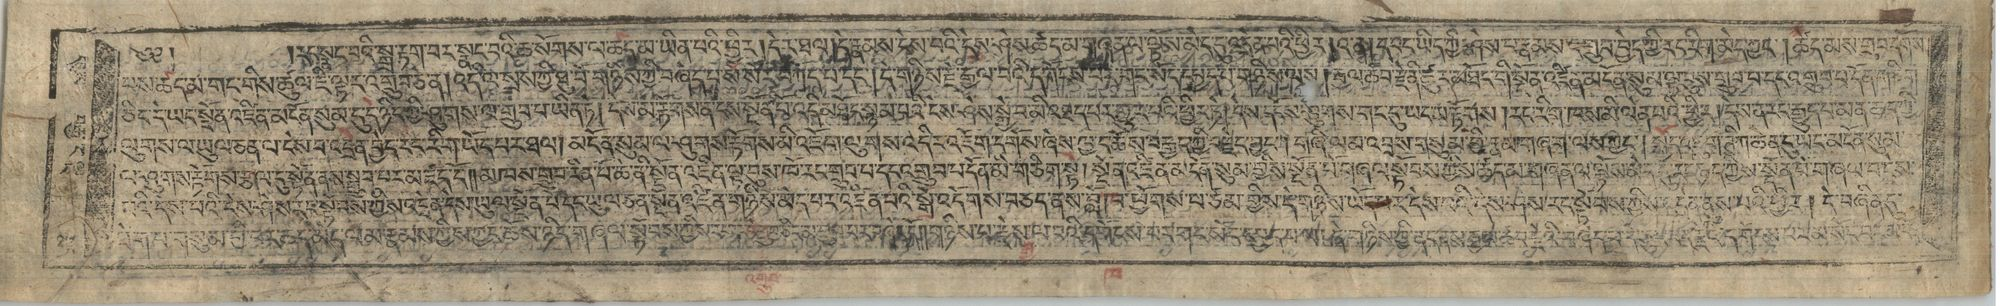༄༅། །རང་སྣང་བའི་སྒྲ་རྟག་པར་སྣང་བའི་ཆ་སོགས་ལ་ཚད་མ་ཡིན་པའི་ཕྱིར། དེར་ཐལ། དེ་རྣམས་ངེས་པའི་ངེས་ཤེས་ཚད་མ་གཞན་ལ་ལྟོས་མེད་དུ་འདྲེན་པའི་ཕྱིར། འོ་ན། དབང་ཡིད་ཀྱི་ཤེས་པ་རྣམས་འགྲུབ་བྱེད་ཀྱི་རང་རིག་མེད་ཀྱང་། ཚད་མས་གྲུབ་དགོས་
པས་ཚད་མ་གང་གིས་ཚུལ་ཇི་ལྟར་འགྲུབ་ཅེ་ན། འདི་ལ་སྲས་ཀྱི་ཐུ་བོ་གཉིས་ཀྱི་བཞེད་པ་སོ་སོར་བཀོད་པ་དང་། དེ་གཉིས་རྗེ་རྒྱལ་བའི་དགོངས་པར་གང་སོང་དཔྱད་པ་གཉིས་ལས། རྒྱལ་ཚབ་རྗེ་ནི་ཚུར་མཐོང་གི་སྔོན་འཛིན་མངོན་སུམ་ལྟ་བུས་གྲུབ་པ་དང་འགྲུབ་པ་དོན་གཅིག་
ཅིང་དེ་ཡང་སྔོན་འཛིན་མངོན་སུམ་དུ་དེ་ཉིད་ཀྱི་ཤུགས་ལ་གྲུབ་པ་ཡིན་ཏེ། དེས་མ་རྟོགས་ན་ངས་སྔོན་པོ་འདི་མཐོང་སྙམ་པའི་ངེས་ཤེས་སྐྱེ་བ་མི་འཐད་པར་གྱུར་པའི་ཕྱིར་ཏེ། དེས་དངོས་ཤུགས་གང་དུ་ཡང་མ་རྟོགས། རང་རིག་ཁས་མི་ལེན་པའི་ཕྱིར། དེས་ན་རང་རྒྱུད་པ་མན་ཆད་ཀྱི་
ལུགས་ལ་ཡུལ་ཅན་ལ་ངེས་པ་འདྲེན་བྱེད་རང་རིག་ཡོད་པར་ཐལ། མངོན་སུམ་ལ་ཤུགས་རྟོགས་མི་འཇོག་ལུགས་འདིར་འཇོག་དགོས་ཞེས་ཁྱད་ཆོས་བརྒྱད་ཀྱི་བརྗེད་བྱང་། གཞི་ལམ་འབྲས་གསུམ་གྱི་རྣམ་གཞག་ལས་ཀྱང་། སྤྱོད་འཇུག་ཊིཀ་ཆེན་དུ་ཡང་མངོན་སུམ་
ལ་ཤུགས་རྟོགས་རྩལ་དུ་སྟོན་ནས་སྒྲུབ་པར་མཛད་དོ། །མཁས་གྲུབ་རིན་པོ་ཆེ་ནི་སྔོན་འཛིན་ལྟ་བུས་ཁོ་རང་གྲུབ་པ་དང་འགྲུབ་པ་དོན་མི་གཅིག་སྟེ། སྔོན་འཛིན་མངོན་སུམ་གྱིས་སྔོན་པོ་གཞལ་སྟོབས་ཀྱིས་ཚད་མ་གཞན་ལ་ལྟོས་མེད་དུ་རང་ཉིད་ཀྱིས་སྔོན་པོ་གཞལ་བ་ངེས་
པའི་ངེས་ཤེས་རང་སྟོབས་ཀྱིས་འདྲེན་དེས་ཡུལ་སྔོན་པོ་དང་ཡུལ་ཅན་སྔོན་འཛིན་གཉིས་མེད་པར་འཛིན་པའི་སྒྲོ་འདོགས་བཅད་ནས་བློ་ཁ་ཕྱོགས་པ་ཙམ་གྱིས་དེ་གཉིས་ཡོད་པར་ངེས་པའི་ངེས་ཤེས་རང་སྟོབས་ཀྱིས་འདྲེན་ནུས་པའི་ཕྱིར། དེ་བཞིན་དུ་
ཐེག་པ་གསུམ་གྱི་བར་ཆད་མེད་ལམ་རྣམས་ཀྱིས་ཀྱང་ཆོས་ཉིད་གཞལ་སྟོབས་ཀྱིས་རང་རང་འགྲུབ་ཅིང་མ་གྲུབ་པར་བཞེད་དོ། །གཉིས་པ་རྗེ་རྒྱལ་བའི་དགོངས་པར་གང་སོང་དཔྱད་པ་ལ། དེ་གཉིས་ཀྱི་ནང་ནས་རྒྱལ་ཚབ་རྗེའི་བཞེད་པ་དེ་ཅུང་ཟད་རྗེའི་དགོངས་པར་མ་སོང་བར་མངོན་